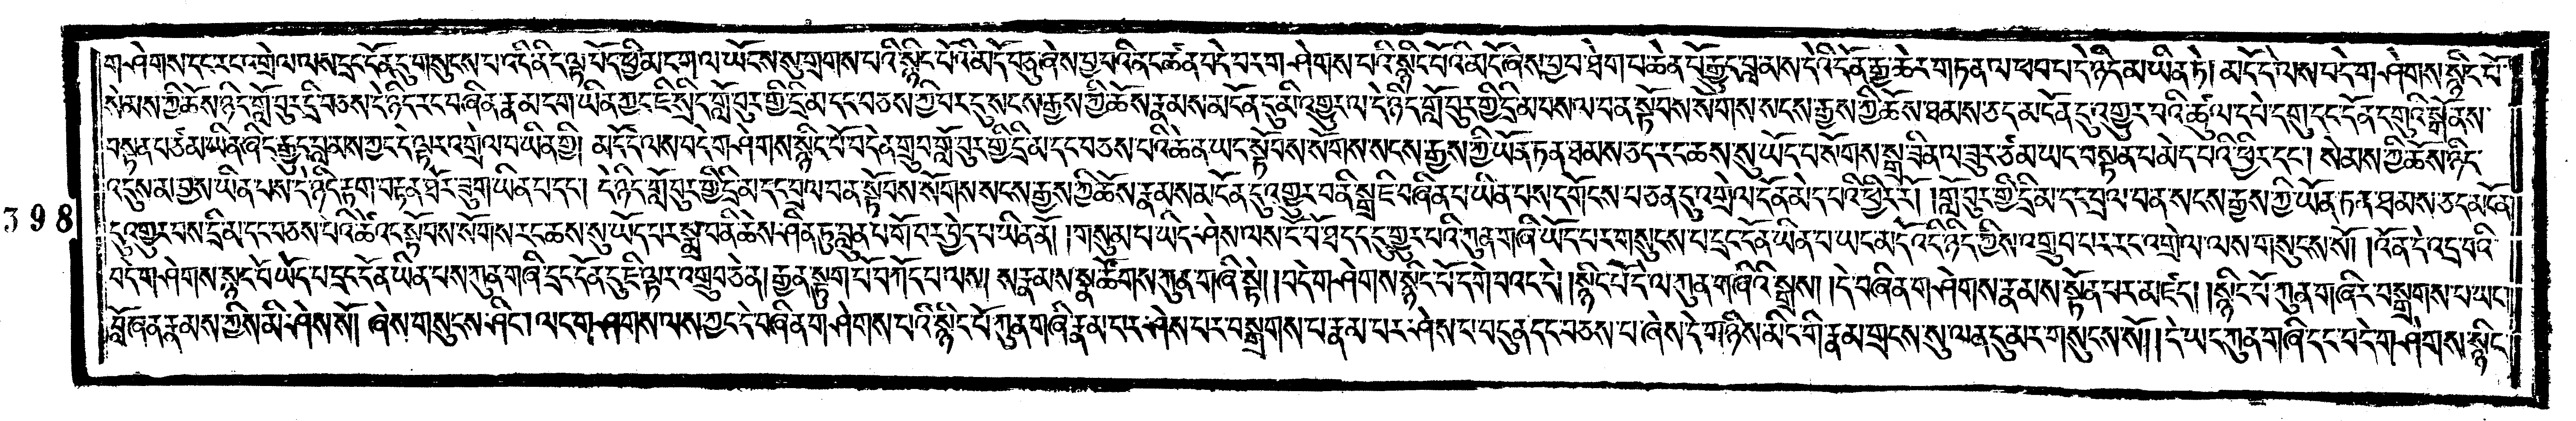གཤེགས་དང་རང་འགྲེལ་ལས་དྲང་དོན་དུ་གསུངས་པ་འདི་ནི་ད་ལྟ་བོད་ཕྱི་མ་ངག་ལ་ཡོངས་སུ་གྲགས་པའི་སྙིང་པོའི་མདོ་བཅུ་ཞེས་བྱ་བའི་ནང་ཚན་བདེ་བར་གཤེགས་པའི་སྙིང་པོའི་མདོ་ཞེས་བྱ་བ་ཐེག་པ་ཆེན་པོ་རྒྱུད་བླ་མས་དེའི་དོན་རྒྱ་ཆེར་གཏན་ལ་ཕབ་པ་དེ་ཉིད་མ་ཡིན་ཏེ། མདོ་དེ་ལས་བདེ་གཤེགས་སྙིང་པོ་
སེམས་ཀྱི་ཆོས་ཉིད་གློ་བུར་དྲི་བཅས་དེ་ཉིད་རང་བཞིན་རྣམ་དག་ཡིན་ཀྱང་ཇི་སྲིད་གློ་བུར་གྱི་དྲི་མ་དང་བཅས་ཀྱི་བར་དུ་སངས་རྒྱས་ཀྱི་ཆོས་རྣམས་མངོན་དུ་མི་འགྱུར་ལ་དེ་ཉིད་གློ་བུར་གྱི་དྲི་མ་བསལ་བ་ན་སྟོབས་སོགས་སངས་རྒྱས་ཀྱི་ཆོས་ཐམས་ཅད་མངོན་དུ་འགྱུར་བའི་ཚུལ་དཔེ་དགུ་དང་དོན་དགུའི་སྒོ་ནས་
བསྟན་པ་ཙམ་ཡིན་ཞིང་རྒྱུད་བླ་མས་ཀྱང་དེ་ལྟར་འགྲེལ་བ་ཡིན་གྱི། མདོ་དེ་ལས་བདེ་གཤེགས་སྙིང་པོ་བདེན་གྲུབ་གློ་བུར་གྱི་དྲི་མ་དང་བཅས་པའི་ཆེ་ན་ཡང་སྟོབས་སོགས་སངས་རྒྱས་ཀྱི་ཡོན་ཏན་ཐམས་ཅད་རང་ཆས་སུ་ཡོད་པ་སོགས་སྒྲ་ཟིན་ལ་ཟུར་ཙམ་ཡང་བསྟན་པ་མེད་པའི་ཕྱིར་དང་། སེམས་ཀྱི་ཆོས་ཉིད་
འདུས་མ་བྱས་ཡིན་པས་དེ་ཉིད་རྟག་བརྟན་ཐོར་ཟུག་ཡིན་པ་དང་། དེ་ཉིད་གློ་བུར་གྱི་དྲི་མ་དང་བྲལ་བ་ན་སྟོབས་སོགས་སངས་རྒྱས་ཀྱི་ཆོས་རྣམས་མངོན་དུ་འགྱུར་བ་ནི་སྒྲ་ཇི་བཞིན་པ་ཡིན་པས་དགོངས་པ་ཅན་དུ་འགྲེལ་དོན་མེད་པའི་ཕྱིར་རོ། །གློ་བུར་གྱི་དྲི་མ་དང་བྲལ་བ་ན་སངས་རྒྱས་ཀྱི་ཡོན་ཏན་ཐམས་ཅད་མངོན་
དུ་འགྱུར་བས་དྲི་མ་དང་བཅས་པའི་ཚེའང་སྟོབས་སོགས་རང་ཆས་སུ་ཡོད་པར་སྨྲ་བ་ནི་ཆོས་ཤིན་ཏུ་བླུན་པ་གོ་བར་བྱེད་པ་ཡིན་ནོ། །གསུམ་པ་ཡིད་ཤེས་ལས་ངོ་བོ་ཐ་དད་དུ་གྱུར་པའི་ཀུན་གཞི་ཡོད་པར་གསུངས་པ་དྲང་དོན་ཡིན་པ་ཡང་མདོ་འདི་ཉིད་ཀྱིས་འགྲུབ་པར་རང་འགྲེལ་ལས་གསུངས་སོ། །འོ་ན་དེ་འདྲ་བའི་
བདེ་གཤེགས་སྙིང་པོ་ཡོད་པ་དྲང་དོན་ཡིན་པས་ཀུན་གཞི་དྲང་དོན་དུ་ཇི་ལྟར་འགྲུབ་ཅེ་ན། རྒྱན་སྟུག་པོ་བཀོད་པ་ལས། ས་རྣམས་སྣ་ཚོགས་ཀུན་གཞི་སྟེ། །བདེ་གཤེགས་སྙིང་པོ་དགེ་བའང་དེ། །སྙིང་བོ་དེ་ལ་ཀུན་གཞིའི་སྒྲས། །དེ་བཞིན་གཤེགས་རྣམས་སྟོན་པར་མཛད། །སྙིང་པོ་ཀུན་གཞིར་བསྒྲགས་པ་ཡང་
བློ་ཞན་རྣམས་ཀྱིས་མི་ཤེས་སོ། ཞེས་གསུངས་ཤིང་། ལང་གཤགས་ལས་ཀྱང་དེ་བཞིན་གཤེགས་པའི་སྙིང་པོ་ཀུན་གཞི་རྣམ་པར་ཤེས་པར་བསྒྲགས་པ་རྣམ་པར་ཤེས་པ་བདུན་དང་བཅས་པ་ཞེས་དེ་གཉིས་མིང་གི་རྣམ་གྲངས་སུ་ལན་དུ་མར་གསུངས་སོ། །དེ་ཡང་ཀུན་གཞི་དང་བདེ་གཤེགས་སྙིང་